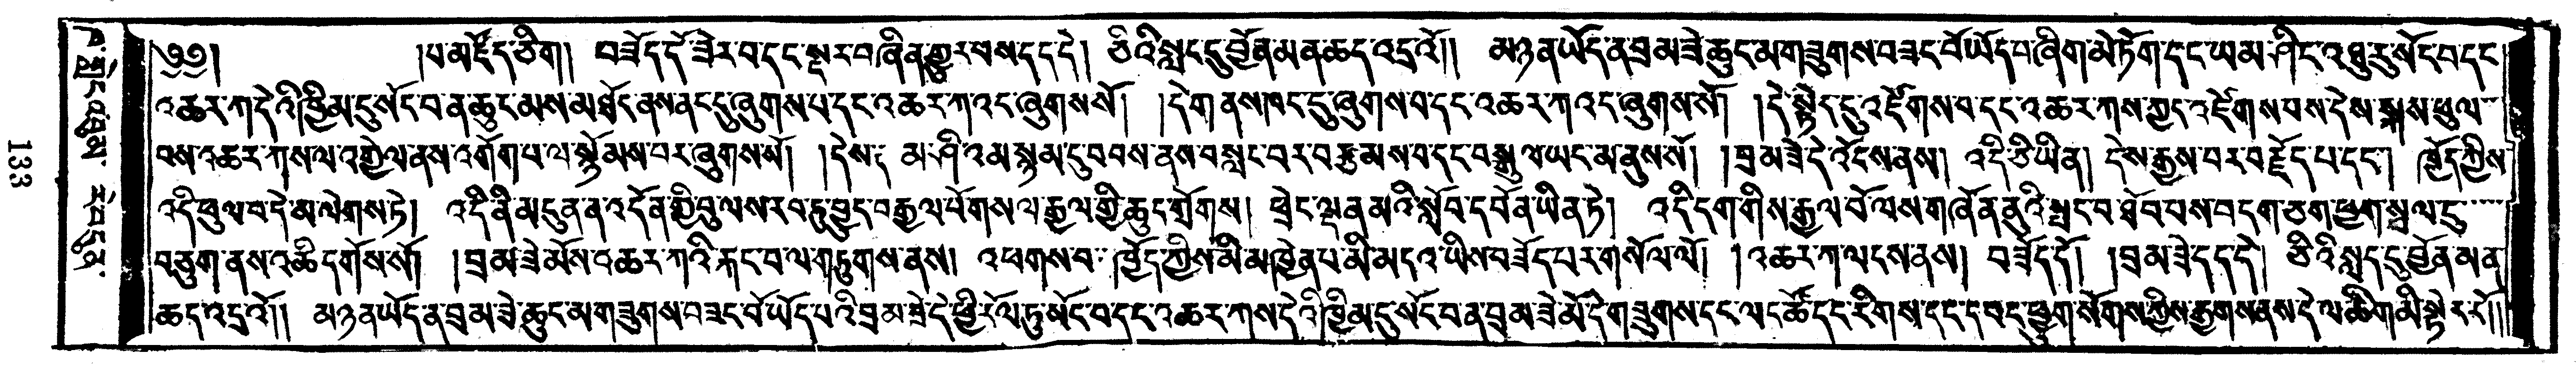༄༅། །པ་མཛོད་ཅིག། བཟོད་དོ་ཟེར་བ་དང་སྔར་བཞིན་གྱུར་བས་དད་དེ། ཅིའི་སླང་དུ་བྱོན་མན་ཆད་འདྲའོ། །མཉན་ཡོད་ན་བྲམ་ཟེ་ཆུང་མ་གཟུགས་བཟང་པོ་ཡོད་པ་ཞིག་མེ་ཏོག་དང་ཡམ་ཤིང་འཐུ་རུ་སོང་བ་དང་
འཆར་ཀ་དེའི་ཁྱིམ་དུ་སོང་བ་ན་ཆུང་མས་མཐོང་ནས་ནང་དུ་ཞུགས་པ་དང་འཆར་ཀའང་ཞུགས་སོ། །དགེ་ནས་ཁང་དུ་ཞུགས་བ་དང་འཆར་ཀའང་ཞུགས་སོ། །དེ་སྟེང་དུ་འཛོགས་པ་དང་འཆར་ཀས་ཀྱང་འཛེགས་པས་དེས་སྐས་ཕུལ་
བས་འཆར་ཀས་ལ་འགྱེལ་ནས་འགོག་པ་ལ་སྙོམས་པར་ཞུགས་སོ། །དེས༑ མ་ཤི་འམ་སྙམ་དུ་བབས་ནས་བསླང་བར་བརྩམས་བ་དང་བསྒུལ་ཡང་མ་ནུས་སོ། །བྲམ་ཟེ་དེ་འོངས་ནས། འདི་ཅི་ཡིན། དེས་རྒྱས་པར་བརྗོད་པ་དང་། ཁྱོད་ཀྱིས་
འདི་ཕུལ་བ་དེ་མ་ལེགས་ཏེ། འདི་ནི་མདུན་ན་འདོན་གྱི་བུ་ལས་རབ་ཏུ་བྱུང་བརྒྱལ་པོ་གསལ་རྒྱལ་གྱི་ཆུང་གྲོགས། ཕྲེང་ལྡན་མའི་སློབ་དབོན་ཡིན་ཏེ། འདི་དག་གིས་རྒྱལ་པོ་ལས་གཞོན་ནུའི་སྤང་བ་ཐོབ་པས་བདག་ཅག་ཕྱག་སྤལ་དུ་
བཅུག་ནས་འཆི་དགོས་སོ། །བྲམ་ཟེ་མོས་འཆར་ཀའི་རྐང་བ་ལ་གཏུགས་ནས། འཕགས་བ༑ ཁྱོད་ཀྱིས་མི་མཁྱེན་པ་མི་མངའ་ཡིས་བཟོད་པར་གསོལ་ལོ། །འཆར་ཀ་ལངས་ནས། བཟོད་དོ། །བྲམ་ཟེ་དད་དེ། ཅིའི་སླད་དུ་བྱོན་མན་
ཆད་འདྲའོ།། མཉན་ཡོད་ན་བྲམ་ཟེ་ཆུང་མ་གཟུགས་བཟང་པོ་ཡོད་པའི་བྲམ་ཟེ་དེ་ཕྱི་རོལ་ཏུ་སོང་བ་དང་འཆར་ཀས་དེའི་ཁྱིམ་དུ་སོང་བ་ན་བྲམ་ཟེ་མོ་དེ་གཟུགས་དང་ལང་ཚོ་དང་རིགས་དང་དབང་ཕྱུག་སོགས་ཀྱིས་རྒྱགས་ནས་དེ་ལ་ཚིག་མི་སྟེར་རོ། །